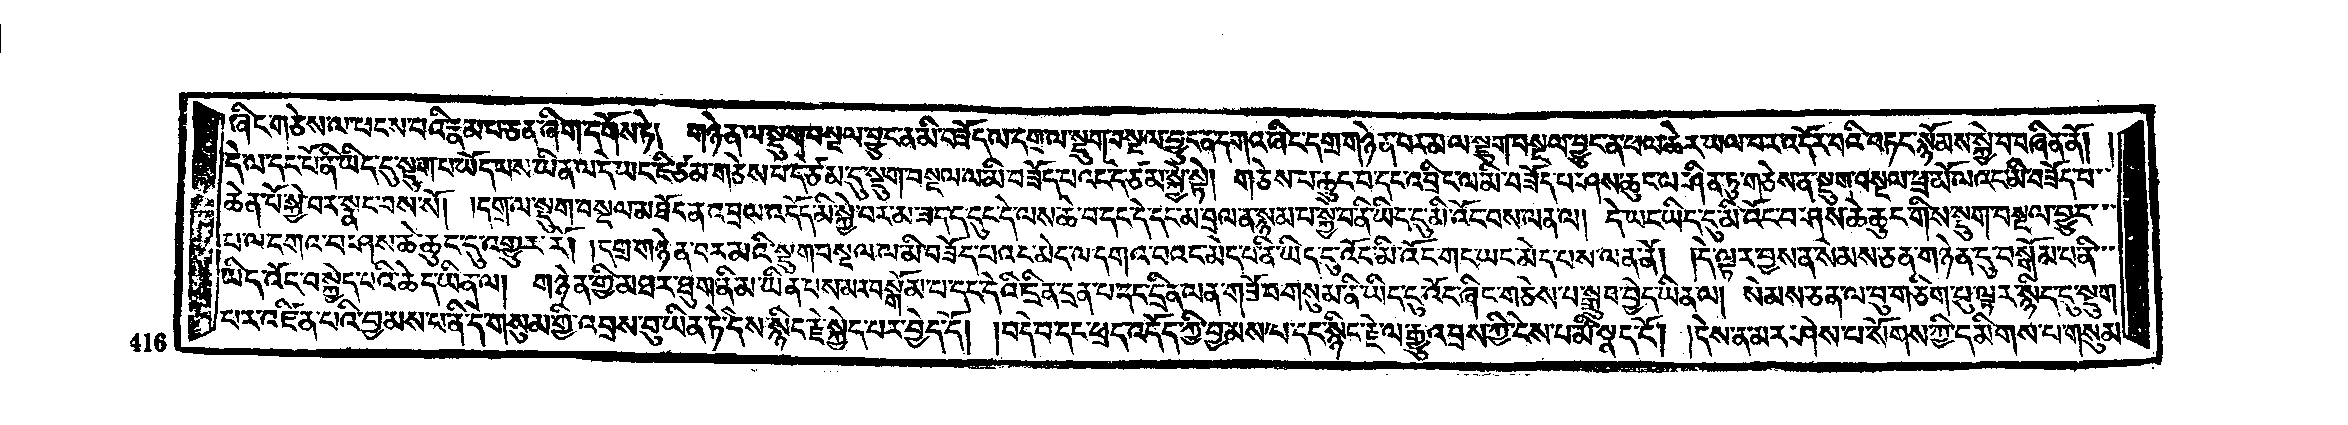ཞིང་གཅེས་ལ་ཕངས་པའི་རྣམ་པ་ཅན་ཞིག་དགོས་ཏེ། གཉེན་ལ་སྡུག་བསྔལ་བྱུང་ན་མི་བཟོད་ལ་དགྲ་ལ་སྡུག་བསྔལ་བྱུང་ན་དགའ་ཞིང་དགྲ་གཉེན་བར་མ་ལ་སྡུག་བསྔལ་བྱུང་ན་ཕལ་ཆེར་ཡལ་བར་འདོར་བའི་བཏང་སྙོམས་སྐྱེ་བ་བཞིན་ནོ། །
དེ་ལ་དང་པོ་ནི་ཡིད་དུ་སྡུག་པ་ཡོད་པས་ཡིན་ལ་དེ་ཡང་ཇི་ཙམ་གཅེས་པ་དེ་ཙམ་དུ་སྡུག་བསྔལ་ལ་མི་བཟོད་པའང་དེ་ཙམ་སྐྱེ་སྟེ། གཅེས་པ་ཆུང་བ་དང་འབྲིང་ལ་མི་བཟོད་པ་ཤས་ཆུང་ལ་ཤིན་ཏུ་གཅེས་ན་སྡུག་བསྔལ་ཕྲ་མོ་ལའང་མི་བཟོད་པ་
ཆེན་པོ་སྐྱེ་བར་སྣང་བས་སོ། །དགྲ་ལ་སྡུག་བསྔལ་མཐོང་ན་འབྲལ་འདོད་མི་སྐྱེ་བར་མ་ཟད་ད་དུང་དེ་ལས་ཆེ་བ་དང་དེ་དང་མ་བྲལ་ན་སྙམ་པ་སྐྱེ་བ་ནི་ཡིད་དུ་མི་འོང་བས་ལན་ལ། དེ་ཡང་ཡིད་དུ་མི་འོང་བ་ཤས་ཆེ་ཆུང་གིས་སྡུག་བསྔལ་བྱུང་
བ་ལ་དགའ་བ་ཤས་ཆེ་ཆུང་དུ་འགྱུར་རོ། །དགྲ་གཉེན་བར་མའི་སྡུག་བསྔལ་ལ་མི་བཟོད་པའང་མེད་ལ་དགའ་བའང་མེད་པ་ནི་ཡིད་དུ་འོང་མི་འོང་གང་ཡང་མེད་པས་ལན་ནོ། །དེ་ལྟར་བྱས་ན་སེམས་ཅན་གཉེན་དུ་བསྒོམ་པ་ནི་
ཡིད་འོང་བསྐྱེད་པའི་ཆེད་ཡིན་ལ། གཉེན་གྱི་མཐར་ཐུག་ནི་མ་ཡིན་པས་མར་བསྒོམ་པ་དང་དེའི་དྲིན་དྲན་པ་དང་དྲིན་ལན་གཟོ་བ་གསུམ་ནི་ཡིད་དུ་འོང་ཞིང་གཅེས་པ་སྒྲུབ་བྱེད་ཡིན་ལ། སེམས་ཅན་ལ་བུ་གཅིག་པུ་ལྟར་སྙིང་དུ་སྡུག་
བར་འཛིན་པའི་བྱམས་པ་ནི་དེ་གསུམ་གྱི་འབྲས་བུ་ཡིན་ཏེ་དེས་སྙིང་རྗེ་སྐྱེད་པར་བྱེད་དོ། །བདེ་བ་དང་ཕྲད་འདོད་ཀྱི་བྱམས་པ་དང་སྙིང་རྗེ་ལ་རྒྱུ་འབྲས་ཀྱི་ངེས་པ་མི་སྣང་ངོ། །དེས་ན་མར་ཤེས་པ་སོགས་ཀྱི་དམིགས་པ་གསུམ་